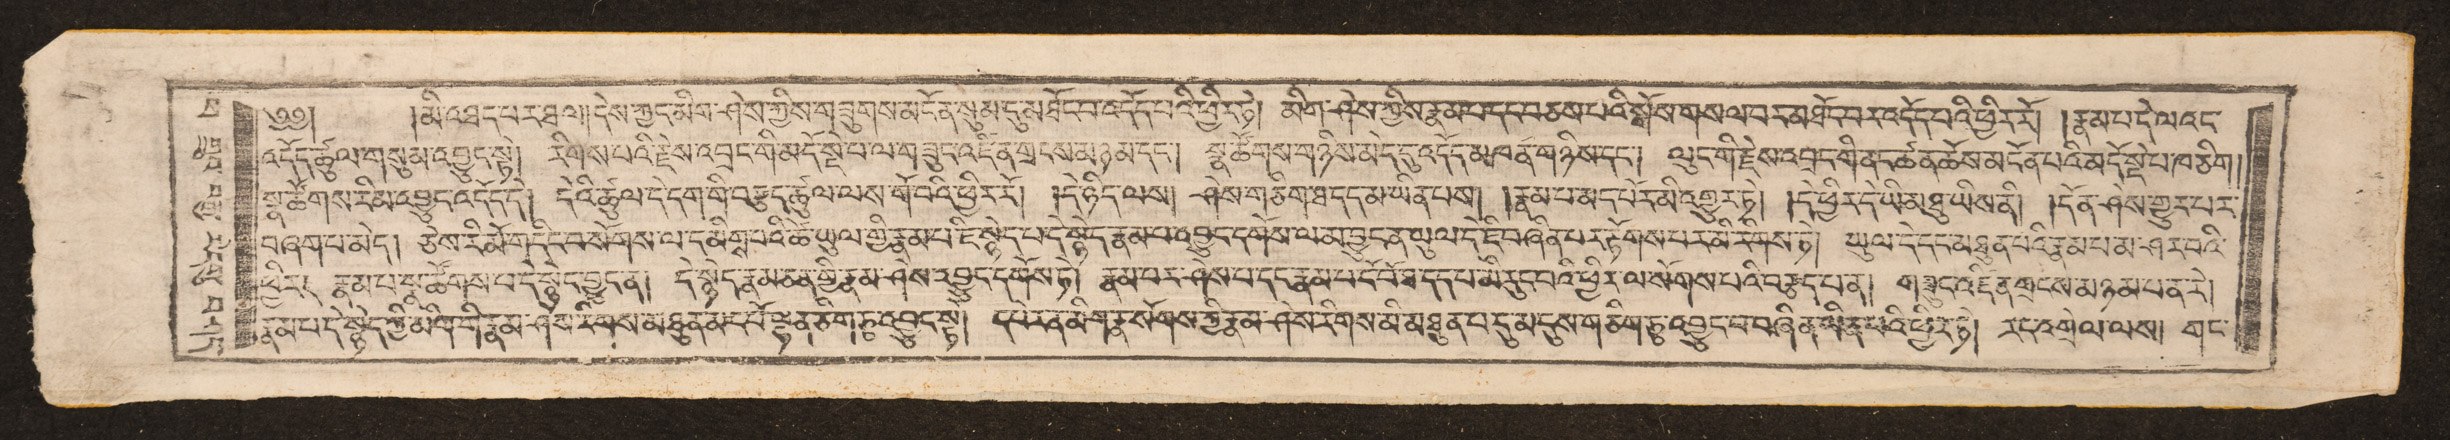༄༅། །མི་འཐད་པར་ཐལ། དེས་ཀྱང་མིག་ཤེས་ཀྱིས་གཟུགས་མངོན་སུམ་དུ་མཐོང་བ་འདོད་པའི་ཕྱིར་ཏེ། མིག་ཤེས་ཀྱིས་རྣམ་པ་དང་བཅས་པའི་སྒོས་གསལ་བར་མཐོང་བར་འདོད་པའི་ཕྱིར་རོ། །རྣམ་པ་དེ་ལའང་
འདོད་ཚུལ་གསུམ་འབྱུང་སྟེ། རིགས་པའི་རྗེས་འབྲང་གི་མདོ་སྡེ་པ་ལ་གཟུང་འཛིན་གྲངས་མཉམ་དང་། སྣ་ཚོགས་གཉིས་མེད་དུ་འདོད་མཁན་གཉིས་དང་། ལུང་གི་རྗེས་འབྲང་གི་ནང་ཚན་ཆོས་མངོན་པའི་མདོ་སྡེ་པ་ཁ་ཅིག།
སྣ་ཚོགས་རིམ་འབྱུང་འདོད་དེ། དེའི་ཚུལ་དེ་དག་གི་བརྩད་ཚུལ་ལས་གོ་བའི་ཕྱིར་རོ། །དེ་ཉིད་ལས། ཤེས་གཅིག་ཐ་དད་མ་ཡིན་པས། །རྣམ་པ་མང་པོར་མི་འགྱུར་ཏེ། །དེ་ཕྱིར་དེ་ཡི་མཐུ་ཡིས་ནི། །དོན་ཤེས་གྱུར་པར་
བཞག་པ་མེད། ཅེས་རི་མོ་གདིང་བ་སོགས་ལ་དམིགས་པའི་ཚེ་ཡུལ་གྱི་རྣམ་པ་ཇི་སྙེད་པ་དེ་སྙེད་རྣམ་པ་འབྱུང་དགོས་ལམ་བྱུང་ན་ཡུལ་དེ་ཇི་བཞིན་པར་རྟོགས་པར་མི་རིགས་ཏེ། ཡུལ་དེ་དང་མཐུན་པའི་རྣམ་པ་མ་ཤར་བའི་
ཕྱིར༑ རྣམ་པ་སྣ་ཚོགས་པ་དེ་སྙེད་བྱུང་ན། དེ་སྙེད་རྣམ་ཅན་གྱི་རྣམ་ཤེས་འབྱུང་དགོས་ཏེ། རྣམ་པར་ཤེས་པ་དང་རྣམ་པ་ངོ་བོ་ཐ་དད་པ་མི་རུང་པའི་ཕྱིར་ལ་སོགས་པའི་བརྩད་པ་ན། གཟུང་འཛིན་གྲངས་མཉམ་པ་ན་རེ།
རྣམ་པ་དེ་སྙེད་ཀྱི་མིག་གི་རྣམ་ཤེས་རིགས་མཐུན་མང་པོ་ལྷན་ཅིག་ཏུ་འབྱུང་སྟེ། དཔེར་ན་མིག་རྣ་སོགས་ཀྱི་རྣམ་ཤེས་རིགས་མི་མཐུན་པ་དུ་མ་དུས་གཅིག་ཏུ་འབྱུང་བ་བཞིན་ཡིན་པའི་ཕྱིར་ཏེ། རང་འགྲེལ་ལས། གང་